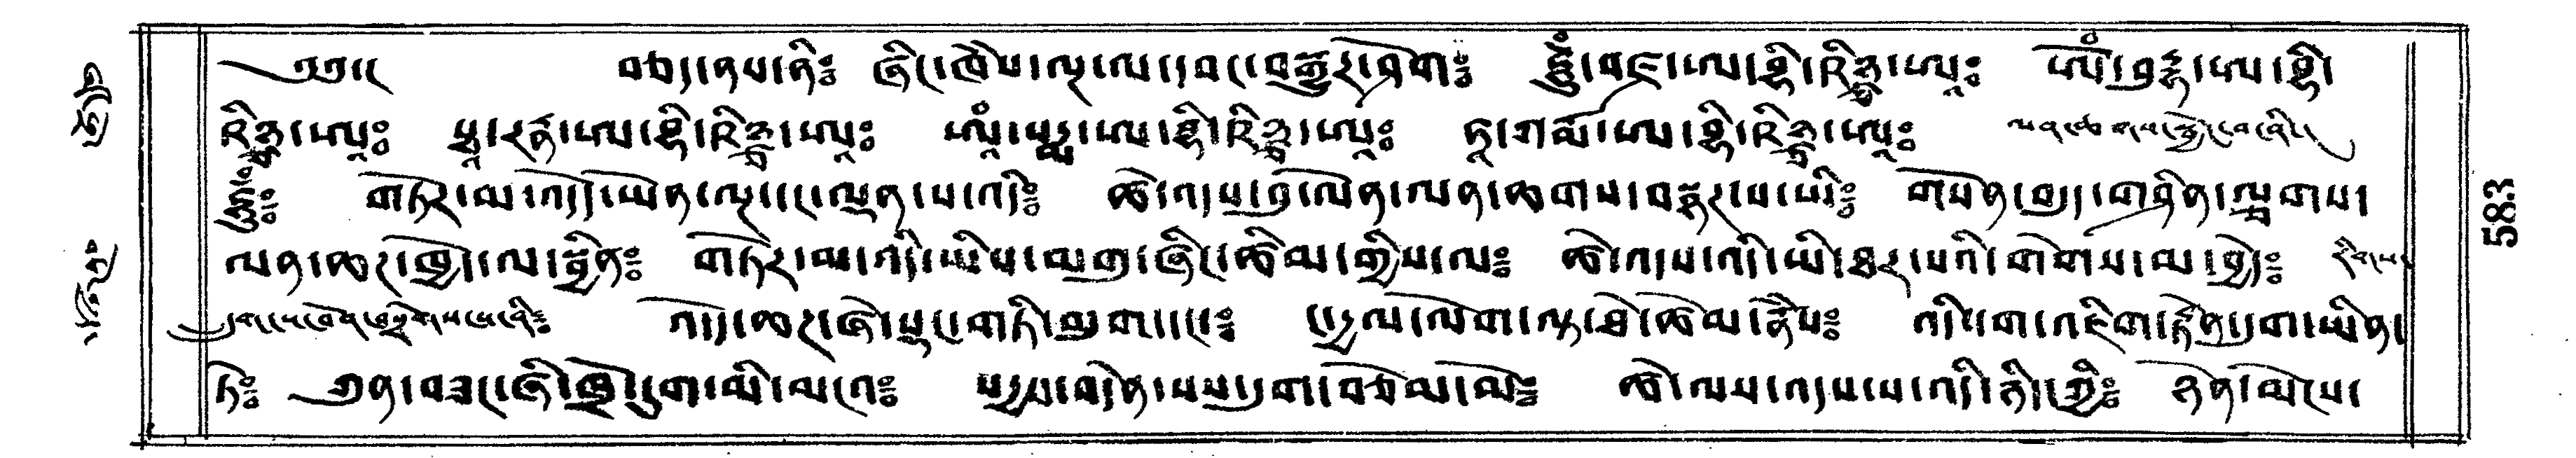བཅད་ནས་ནི༔ ཞིང་ཁམས་ལྔ་ལ་དབང་བསྒྱུར་ཤོག༔ ཧཱུྃ་བཛྲ་ཨ་བྷི་རིཉྩ་ཨཱཿ ཨོཾ་བུདྡྷ་ཨ་བྷི་
རིཉྩ་ཨཱཿ སྭ་རཏྣ་ཨ་བྷི་རིཉྩ་ཨཱཿ ཨཱཾ་པདྨ་ཨ་བྷི་རིཉྩ་ཨཱཿ ཧཱ་ཀརྨ་ཨ་བྷི་རིཉྩ་ཨཱཿ ལན་ཆགས་སྦྱོང་བ་ནི།
ཧཱུྃ༔ གཏོར་མ་འདོད་ཡོན་ལྔ་དང་ལྡན་པ་འདི༔ ཚེ་འདས་བུ་ལོན་ལན་ཆགས་བསྙགས་པ་ཡི༔ གསོན་བདུད་གཤིན་ལྕགས་
ལན་ཆགས་ཁྱོད་ལ་སྦྱིན༔ གཏོར་མ་འདི་ཡིས་མགུ་ཞིང་ཚིམ་གྱིས་ལ༔ ཚེ་འདས་འདི་ཡི་ཐར་པའི་གེགས་མ་བྱེད༔ རིགས་
དྲུག་ས་བོན་སྲེག་པ་ནི། འདོད་ཆགས་ཞེ་སྡང་གཏི་མུག་དང༔ ང་རྒྱལ་ལོག་ལྟ་ཐེ་ཚོམ་རྣམས༔ འདི་དག་འཇིག་རྟེན་དུག་ཡིན་
ཏེ༔ ཀུན་བཟང་ཞི་ཁྲོ་དུག་མི་མངའ༔ སངས་རྒྱས་བདེན་པས་དུག་བཅོམ་མོ༔ ཚེ་ལས་འདས་པ་འདི་ཉིད་ཀྱི༔ ཉོན་མོངས་